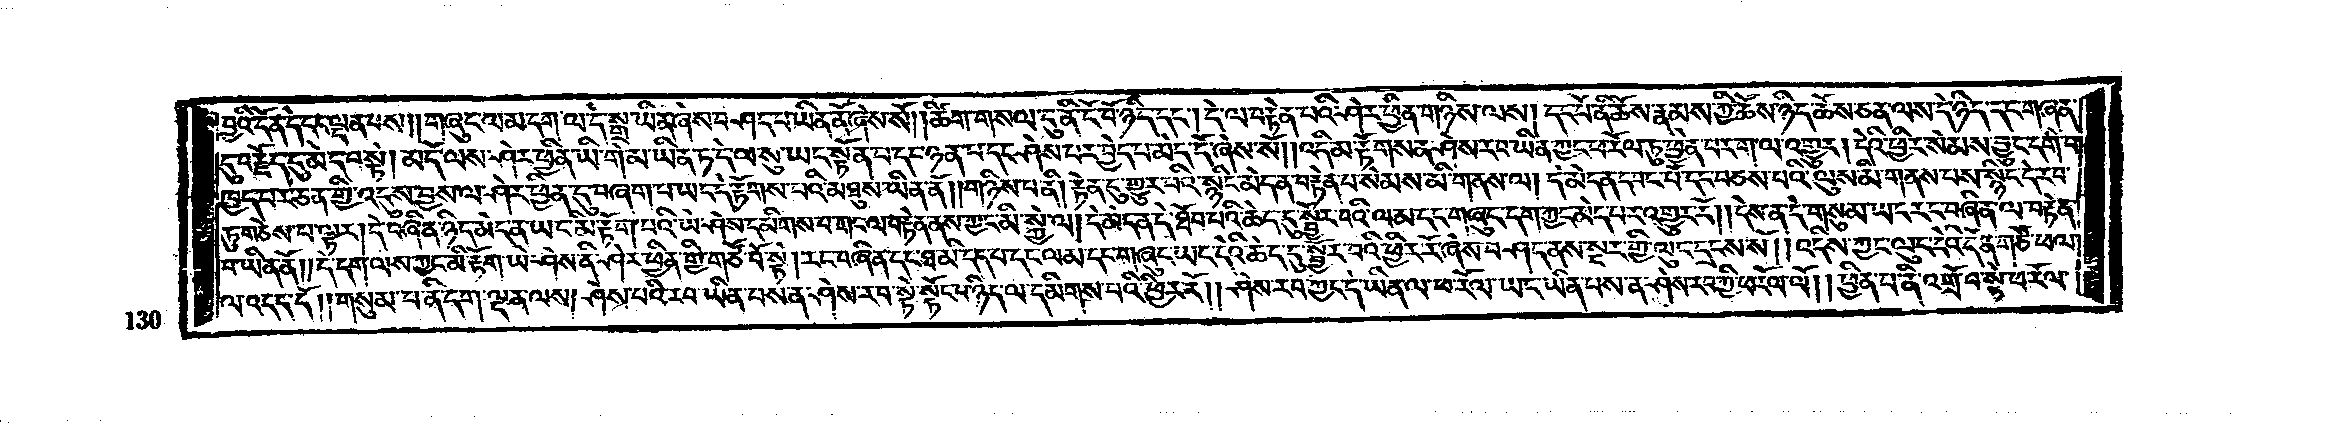བྱའི་དོན་དེ་དང་ལྡན་པས། །གཞུང་ལམ་དག་ལ་དེ་སྒྲ་ཡིན་ཞེས་བཤད་པ་ཡིན་ནོ་ཞེས་སོ། །ཚིག་གསལ་དུ་ནི་ངོ་བོ་ཉིད་དང་། དེ་ལ་བརྟེན་པའི་ཤེར་ཕྱིན་གཉིས་ལས། དང་པོ་ནི་ཆོས་རྣམས་ཀྱི་ཆོས་ཉིད་ཆོས་ཅན་ལས་དེ་ཉིད་དང་གཞན་
དུ་བརྗོད་དུ་མེད་པ་སྟེ། མདོ་ལས་ཤེར་ཕྱིན་ཡི་གེ་མ་ཡིན་ཏེ་དེ་ལ་སུ་ཡང་སྟོན་པ་དང་ཉན་པ་དང་ཤེས་པར་བྱེད་པ་མེད་དོ་ཞེས་སོ། །འདི་མ་རྟོགས་ན་ཤེས་རབ་ཡིན་ཀྱང་ཕ་རོལ་ཏུ་ཕྱིན་པར་ག་ལ་འགྱུར། དེའི་ཕྱིར་སེམས་བྱུང་དགེ་བ་
ཁྱད་པར་ཅན་གྱི་འདུས་བྱས་ལ་ཤེར་ཕྱིན་དུ་བཞག་པ་ཡང་དེ་རྟོགས་པའི་མཐུས་ཡིན་ནོ། །གཉིས་པ་ནི། རྟེན་དུ་གྱུར་པའི་སྙིང་མེད་ན་བརྟེན་པ་སེམས་མི་གནས་ལ། དེ་མེད་ན་དབང་པོ་དང་བཅས་པའི་ལུས་མི་གནས་པས་སྙིང་དེ་རབ་
ཏུ་གཅེས་པ་ལྟར། དེ་བཞིན་ཉིད་མེད་ན་ཡང་མི་རྟོག་པའི་ཡེ་ཤེས་དམིགས་པ་གང་ལ་བརྟེན་ནས་ཀྱང་མི་སྐྱེ་ལ། དེ་མེད་ན་དེ་ཐོབ་པའི་ཆེད་དུ་སྦྱོར་བའི་ལམ་དང་གཞུང་དག་ཀྱང་མེད་པར་འགྱུར་རོ། །དེས་ན་དེ་གསུམ་ཡང་རང་བཞིན་ལ་བརྟེན་
བ་ཡིན་ནོ། །དེ་དག་ལས་ཀྱང་མི་རྟོག་ཡེ་ཤེས་ནི་ཤེར་ཕྱིན་གྱི་གཙོ་བོ་སྟེ། རང་བཞིན་དང་ཐ་མི་དད་པ་དང་ལམ་དང་གཞུང་ཡང་དེའི་ཆེད་དུ་སྦྱོར་བའི་ཕྱིར་རོ་ཞེས་བཤད་ནས་སྔར་གྱི་ལུང་དྲངས་སོ། །འདིས་ཀྱང་ལུང་དེའི་དོན་གཙོ་ཕལ་
ལ་འདད་དོ། །གསུམ་པ་ནི་དག་ལྡན་ལས། ཤེས་པའི་རབ་ཡིན་པས་ན་ཤེས་རབ་སྟེ་སྟོང་པ་ཉིད་ལ་དམིགས་པའི་ཕྱིར་རོ། །ཤེས་རབ་ཀྱང་དེ་ཡིན་ལ་ཕ་རོལ་ཡང་ཡིན་པས་ན་ཤེས་རབ་ཀྱི་ཕ་རོལ་ལོ། །ཕྱིན་པ་ནི་འགྲོ་བ་སྟེ་ཕ་རོལ་